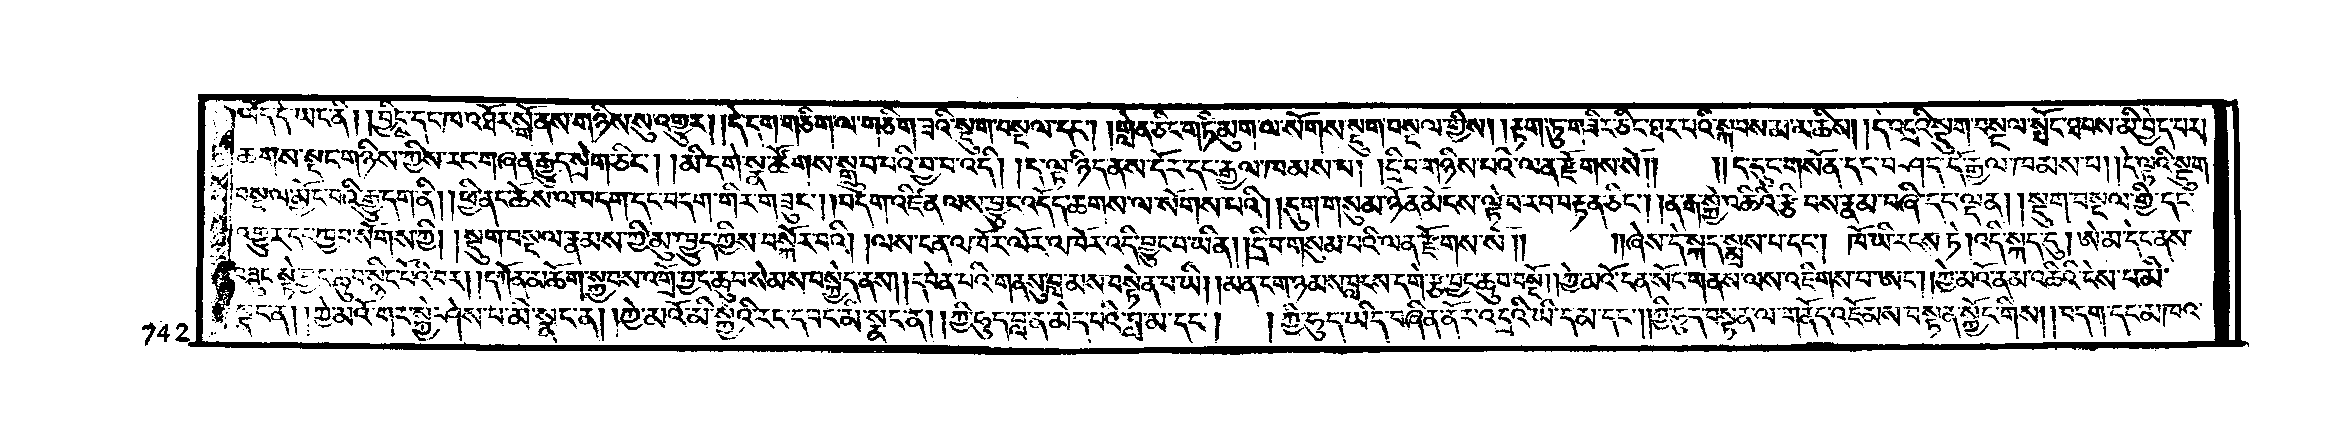ཡོད་དེ་ཡང་ནི། །བྱིངས་དང་ཁ་འཐོར་སྒོ་ནས་གཉིས་སུ་འགྱུར། །དེ་དག་གཅིག་ལ་གཅིག་པའི་སྡུག་བསྔལ་དང་། །གླེན་ཅིང་གཏི་མུག་ལ་སོགས་སྡུག་བསྔལ་གྱིས། །རྟག་ཏུ་གཟིར་ཅིང་ཐར་པའི་སྐབས་མ་མཆིས། །དེ་འདྲའི་སྡུག་བསྔལ་སྤོང་ཐབས་མི་བྱེད་པར།།
ཆགས་སྡང་གཉིས་ཀྱིས་རང་གཞན་རྒྱུད་སྲེག་ཅིང་། །མི་དགེ་སྣ་ཚོགས་སྒྲུབ་པའི་བྱ་བ་འདི། །ད་ལྟ་ཉིད་ནས་དོར་དང་རྒྱལ་ཁམས་པ། །དྲི་བ་གཉིས་པའི་ལན་རྫོགས་སོ།། །།ད་དུང་གསོན་དང་བཤད་དོ་རྒྱལ་ཁམས་པ། །དེ་ལྟའི་སྡུག་
བསྔལ་མྱོང་བའི་རྒྱུ་དག་ནི། །ཕྱི་ནང་ཆོས་ལ་བདག་དང་བདག་གིར་གཟུང་། །བདག་འཛིན་ལས་བྱུང་འདོད་ཆགས་ལ་སོགས་པའི། །དུག་གསུམ་ཉོན་མོངས་ལྟེ་བ་རབ་བརྟན་ཅིང་། །ན་རྒ་སྐྱེ་འཆིའི་རྩི་བས་རྣམ་བཞི་དང་ལྡན། །སྡུག་བསྔལ་གྱི་དང་
འགྱུར་དང་ཁྱབ་སོགས་ཀྱི། །སྡུག་བསྔལ་རྣམས་ཀྱི་མུ་ཁྱུད་ཀྱིས་བསྐོར་བའི། །ལས་ངན་འཁོར་ལོར་འཁོར་འདི་བྱུང་བ་ཡིན། །དྲི་བ་གསུམ་པའི་ལན་རྫོགས་སོ།། །།ཞེས་དེ་སྐད་སྨྲས་པ་དང་། ཁོ་ཡི་རངས་ཏེ། འདི་སྐད་དུ། ཨེ་མ་དེང་ནས་
བཟུང་སྟེ་བྱང་ཆུབ་སྙིང་པོའི་བར། །དཀོན་མཆོག་སྐྱབས་འགྲོ་བྱང་ཆུབ་སེམས་བསྐྱེད་ནས། །དབེན་པའི་གནས་སུ་བླ་མས་བསྟེན་པ་ཡི། །མན་ངག་ཉམས་བླངས་དགེ་རྩ་བྱང་ཆུབ་བསྔོ། །ཀྱེ་མའོ་ངན་སོང་གནས་ལས་འཇིགས་པ་ཨང་། །ཀྱེ་མའོ་ནམ་འཆིའི་ངེས་པ་མི་
སྣང་ན། །ཀྱེ་མའོ་གར་སྐྱེ་ཤེས་པ་མི་སྣང་ན། །ཀྱེ་མའོ་མི་སྐྱེའི་རང་དབང་མི་སྣང་ན། །ཀྱི་ཧུད་བླ་ན་མེད་པའི་བླ་མ་དང་། །ཀྱི་ཧུད་ཡིད་བཞིན་ནོར་འདྲའི་ཡི་དམ་དང་། །ཀྱི་ཧུད་བསྟན་ལ་གནོད་འཇོམས་བསྟན་སྐྱོང་གིས། །བདག་དང་མཁའ་